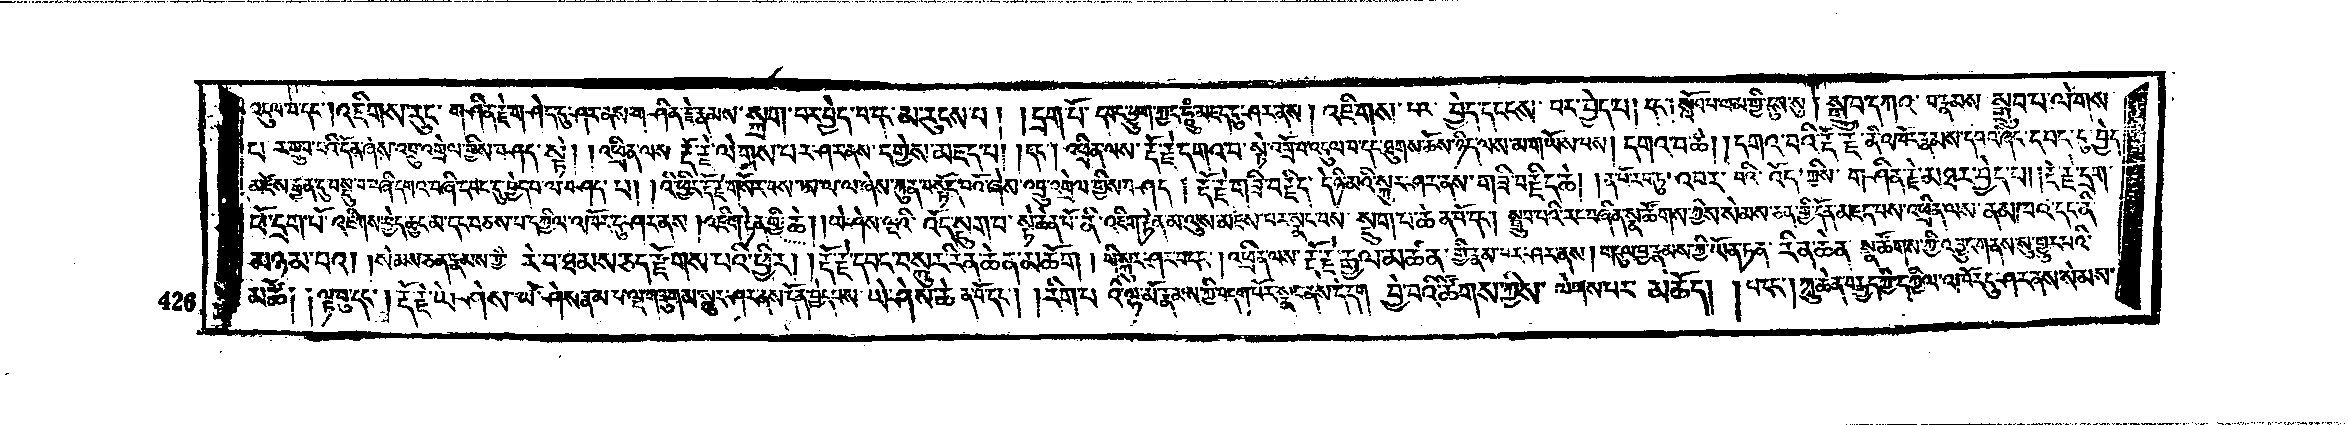འདུལ་བ་དང་། འཇིགས་རུང་གཤིན་རྗེ་གཤེད་དུ་ཤར་ནས་གཤིན་རྗེ་རྣམས་སྐྲག་པར་བྱེད་པ་དང་མ་རུངས་པ། །དྲག་པོ་དབང་ཕྱུག་ཀྱང་ཧཱུཾ་མཛད་དུ་ཤར་ནས།  འཇིགས་པར་བྱེད་དངངས་པར་བྱེད་པ། དང་། སློབ་པ་ལམ་གྱི་དུས་སུ།  སྒྲུབ་དཀའ་བ་རྣམས་སྒྲུབ་པ་ལེགས་
པར་གྲུབ་པའི་དོན་ཞེས་འབྲུ་འགྲེལ་གྱིས་བཤད་སྟེ། ། འཕྲིན་ལས་རྡོ་རྗེ་ལེགས་པར་ཤར་ནས་དགྱེས་མཇད་པ། །དང་། འཕྲིན་ལས་རྡོ་རྗེ་དགའ་བ་སྟེ་འགྲོ་བ་འདུལ་བ་དང་ཐུགས་ཆོས་ཉིད་ལས་མ་གཡོས་པས།  དགའ་བ་ཆེ། །དགའ་བའི་རྡོ་རྗེ་ནི་འཁོར་རྣམས་དགའ་ཞིང་དབང་དུ་བྱེད་
མཛེས་རྒྱན་དུ་བསྡུ་བ་བཞི་དགའ་བཞི་དབང་དུ་བྱེད་པ་ལ་བཤད་པ། །འི་ཕྱིར་རྡོ་རྗེ་གསོར་བས་ཨ་ལ་ལ་ཞེས་ཀུན་བསྟོད་པའོ་ཞེས་འབྲུ་འགྲེལ་གྱིས་བཤད།  རྡོ་རྗེ་གཟི་བརྗིད་དེ་ཉི་མའི་སྐུར་ཤར་ནས་གཟི་བརྗིད་ཆེ། །ན་པོ་རབ་ཏུ་འབར་བའི་འོད་ཀྱིས་གཤིན་རྗེ་མཐར་བྱེད་པ། །རྡོ་རྗེ་དྲག་
པོ་དྲག་པོ་འཇིགས་བྱེད་ཆུང་མ་དང་བཅས་པ་དཀྱིལ་འཁོར་དུ་ཤར་ནས། འཇིག་རྟེན་གྱི་ཆེ། །ཡེ་ཤེས་ལྔའི་འོད་སྡུག་པ་སྟེ་ཆེན་པོ་ནི་འཇིག་རྟེན་མ་ལུས་མཛེས་པར་སྣང་བས་སྡུག་པ་ཆེན་པོ་དང་། སྒྲུབ་པའི་རང་བཞིན་སྣ་ཚོགས་ཀྱིས་སེམས་ཅན་གྱི་དོན་མཛད་པས་འཕྲིན་ལས་ནམ་མཁའ་དང་ནི་
མཉམ་པའོ། །སེམས་ཅན་རྣམས་ཀྱི་རེ་བ་ཐམས་ཅད་རྫོགས་པའི་ཕྱིར། །རྡོ་རྗེ་དབང་བསྐུར་རིན་ཆེན་མཆོག་།གི་སྐུར་ཤར་བ་དང་། འཕྲིན་ལས་རྡོ་རྗེ་རྒྱལ་མཚན་གྱི་རྣམ་པར་ཤར་ནས། གདུལ་བྱ་རྣམས་ཀྱི་ཡོན་ཏན་རིན་ཆེན་སྣ་ཚོགས་ཀྱི་འབྱུང་གནས་སུ་གྱུར་པའི
མཚོ། །ལྟ་བུ་དང་།  རྡོ་རྗེ་ཡེ་ཤེས་ཡེ་ཤེས་རྣམ་པ་ལྔ་གཟུགས་སྐུར་ཤར་ནས་དོན་བྱེད་པས་ཡེ་ཤེས་ཆེན་པོ་དང་།  །རིག་པའི་ལྷ་མོ་རྣམས་ཀྱི་བདག་པོར་སྣང་ནས་དེ་དག་བྱེ་བའི་ཚོགས་ཀྱིས་ལེགས་པར་མཆོད། །པ་དང་། ཀླུ་ཆེན་བརྒྱད་ཀྱི་དཀྱིལ་འཁོར་དུ་ཤར་ནས་སེམས་